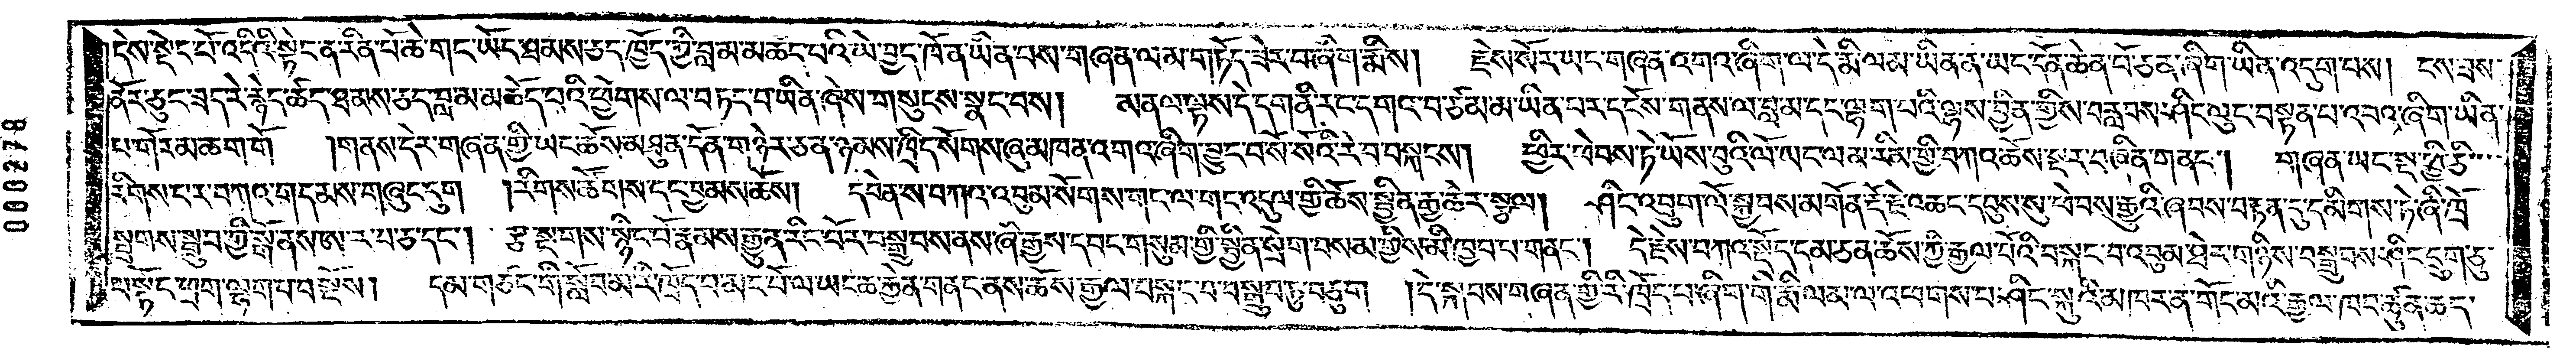དེས་སྡོང་པོ་འདིའི་སྟེང་ན་རིན་པོ་ཆེ་གང་ཡོད་ཐམས་ཅད་ཁྱོད་ཀྱི་བླ་མ་མཆོད་བའི་ཁོ་ན་ཡིན་པས་གཞན་ལམ་གཏོད་ཟེར་བ་ཞིག་རྨིས། རྗེས་སོར་ཡང་གཞན་འགའ་ཞིག་ལ་དེ་རྨི་ལམ་ཡིན་ན་ཡང་དོན་ཆེན་པོ་ཅན་ཞིག་ཡིན་འདུག་བས། ངས་ཟས་
ནོར་ཅུང་ཟད་རེ་རྙེད་ཚད་ཐམས་ཅད་བླ་མ་མཆོད་བའི་ཕྱོགས་ལ་བཏང་བ་ཡིན་ཞེས་གསུངས་སྣང་བས། མནལ་ལྟས་དེ་དག་ནི་རང་དགའ་བ་ཙམ་མ་ཡིན་པར་དངོས་གནས་ལ་བླ་མ་དང་ལྷག་པའི་ལྷས་བྱིན་གྱིས་བརླབས་ཤིང་ལུང་བསྟན་པ་འབའ་ཞིག་ཡིན་
པ་གོར་མཆོག་གོ །གནས་དེར་གཞན་གྱི་ཡང་ཆོས་མཐུན་དོན་གཉེར་ཅན་ཉམས་ཁྲིད་སོགས་ཞུ་མཁན་འགའ་ཞིག་བྱུང་བ་སོ་སོའི་རེ་བ་བསྐངས། ཕྱིར་ཕེབས་ཏེ་ཡོས་བུའི་ལོ་ཡང་ལམ་རིམ་གྱི་བཀའ་ཆོས་སྔར་བཞིན་གནང་། གཞན་ཡང་སྔ་ཕྱི་ཅི་
རིགས་བར་བཀའ་གདམས་གཞུང་དུག །རིགས་ཚོགས་དང་བྱམས་ཆོས། དབེན་ས་བཀའ་འབུམ་སོགས་གང་ལ་གང་འདུལ་གྱི་ཆོས་སྦྱིན་རྒྱ་ཆེར་སྩལ། ཤིང་འབྲུག་ལོ་སྐྱབས་མགོན་རྡོ་རྗེ་འཆང་དབུས་སུ་ཕེབས་རྒྱུའི་ཞབས་བརྟན་དུ་དམིགས་ཏེ་ཞི་ཁྲོ་
སྦྲགས་སྒྲུབ་ཀྱི་སྒོ་ནས་ཨ་ར་པ་ཙ་དང་། རྩ་སྔགས་སྙིང་པོ་རྣམས་རྒྱུན་རིང་བོར་བསྒྲུབས་ནས་ཞི་རྒྱས་དབང་གསུམ་གྱི་སྦྱིན་སྲེག་བསམ་གྱིས་མི་ཁྱབ་པ་གནང་། དེ་རྗེས་བཀའ་སྡོད་དམ་ཅན་ཆོས་ཀྱི་རྒྱལ་པོའི་བསྐང་བ་འབུམ་ཐེར་གཉིས་བསྒྲུབས་ཤིང་དྲུག་ཅུ་
མ་སྟོང་ཕྲག་ལྷག་པ་བསྔོས། དམ་གཙང་གི་སློབ་མ་རི་ཁྲོད་པ་མང་པོ་ལ་ཡང་ཆ་རྐྱེན་གནང་ནས་ཆོས་རྒྱལ་བསྐང་བ་བསྒྲུབ་ཏུ་བཅུག །དེ་སྐབས་གཞན་གྱི་རི་ཁྲོད་པ་ཞིག་གི་རྨི་ལམ་ལ་འཕགས་ཤིང་སྐུའི་མཁར་ན་གོང་མའི་རྒྱལ་ཁབ་ཚུན་ཆད་